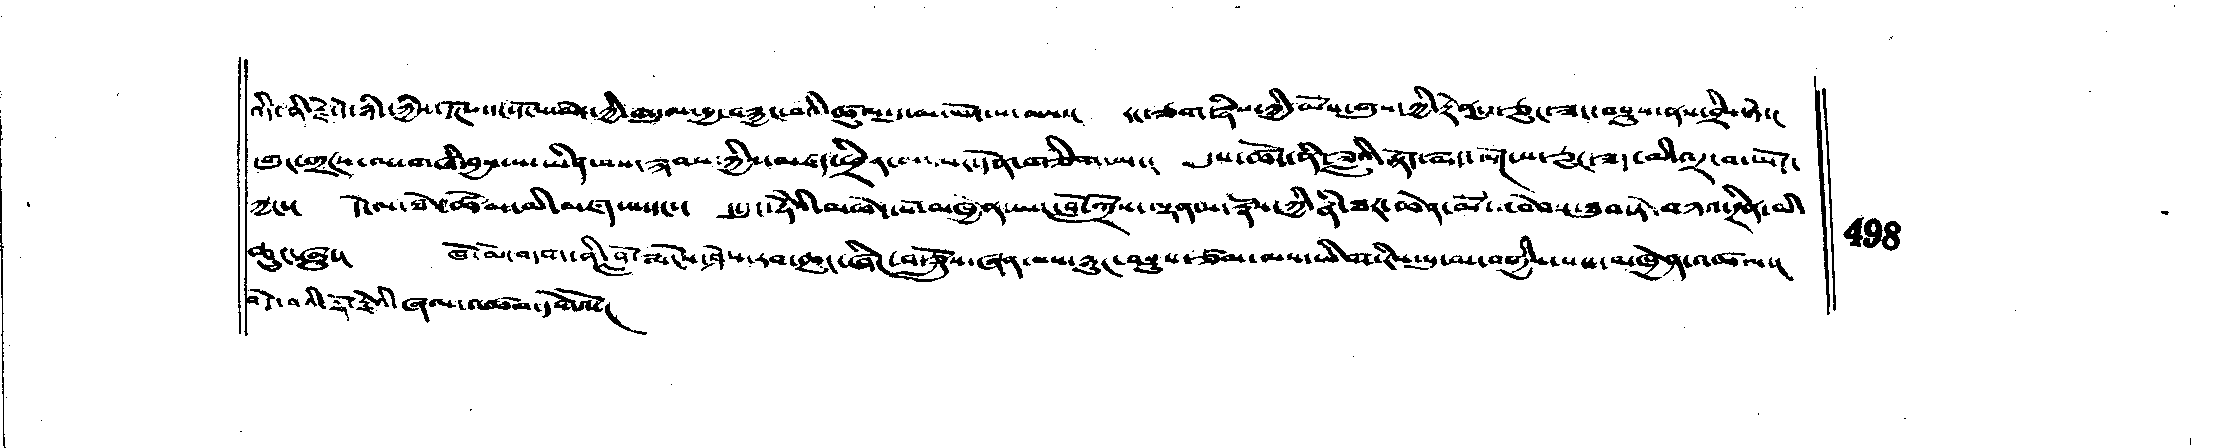འདི་ནི་རྗེ་དེ་ཉིད་ཀྱིས་དངོས་དང་དངོས་མེད་ཀྱི་གདུལ་བྱ་བསྐྱང་བའི་ཚུལ་དུ་མ་ཡོད་པ་ལས། རང་ཅག་རྣམས་ཀྱི་མོས་གུས་ཀྱི་རྟེན་དུ་ཅུང་ཟད་བསྡུས་ནས་བྲིས་ཏེ། 
དགུང་གྲངས་ལ་གཞི་བྱས་པ་ཡིན་པས་སྐབས་ཀྱིས་མཛད་ཕྲིན་ལ་ལར་ཡང་དོན་གཅིག་ལ། དུས་ཚོད་ནི་ཟླའི་སྟོད་སྨད་ལ་སོགས་པ་ཅུང་ཟད་མི་འདྲ་བ་ཡོད་
ཀྱང་། དེ་ལ་ཐེ་ཚོམ་མི་མཛད་པ་དང་། ད་དུང་རྡོ་རྗེའི་མཆེད་པོ་མཁྱེན་ཡང་བློ་གྲོས་ལྡན་པ་རྣམས་ཀྱིས་རྣམ་ཐར་ཆེན་མོ་འབེབས་ཐུབ་རེ་བཀའ་དྲིན་མི་
ཆུང་ཞུ། ཁོ་མོ་བདག་ནི་བློ་རྨོངས་ཤེས་རབ་ཆུང་ཞིང་བརྩོན་འགྲུས་ཞན་པས་ཉུང་བསྡུས་ཙམ་ལས་ཡིག་རིས་སུ་མ་བགྱིས་པ་མཁྱེན་འཚལ། 
བདེ་བའི་རྡོ་རྗེའི་ཞལ་ཚབ་དགེའོ།། །།